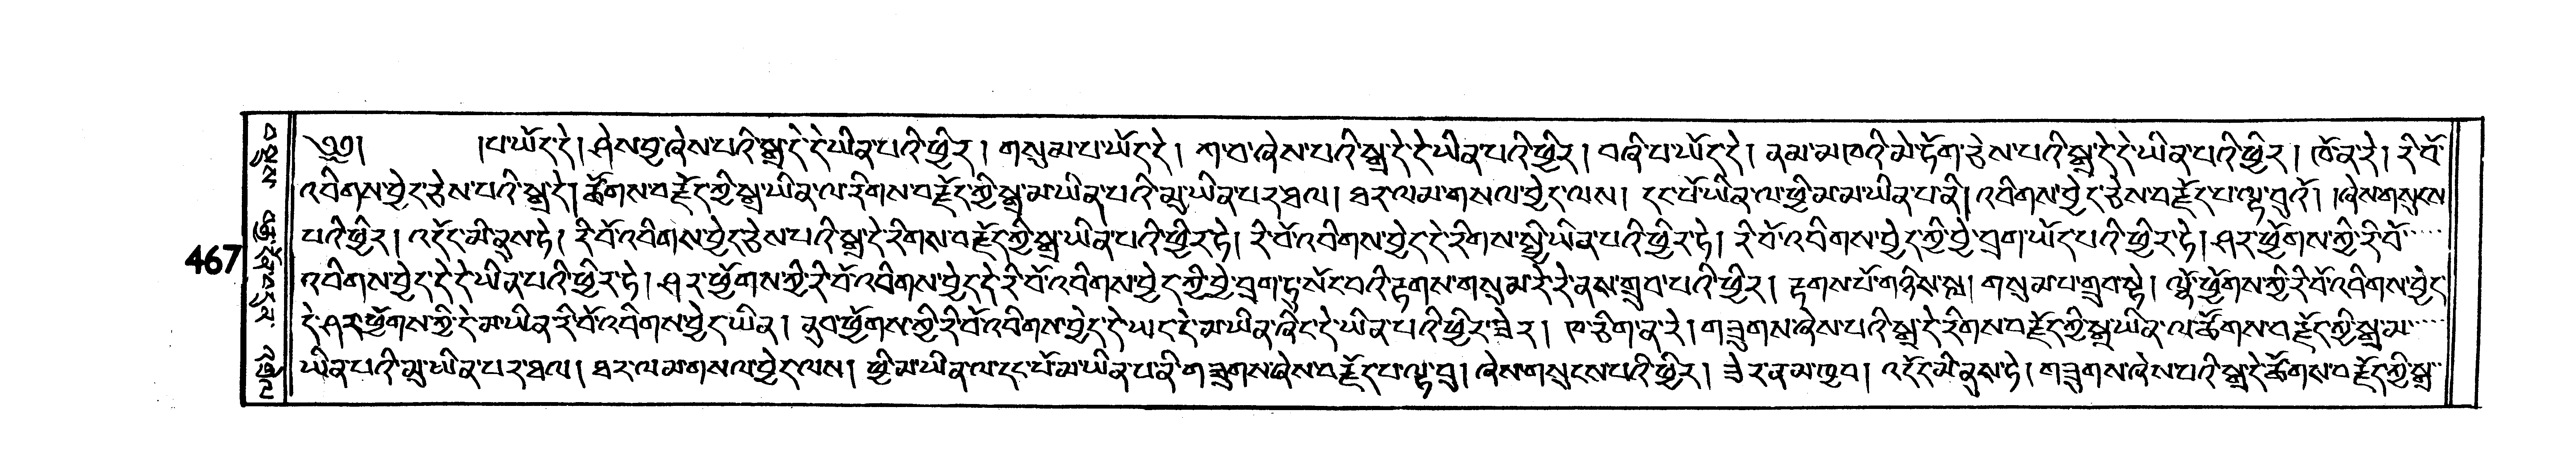༄༅། །པ་ཡོད་དེ། ཤེས་བྱ་ཞེས་པའི་སྒྲ་དེ་དེ་ཡིན་པའི་ཕྱིར། གསུམ་པ་ཡོད་དེ། ཀ་བ་ཞེས་པའི་སྒྲ་དེ་དེ་ཡིན་པའི་ཕྱིར། བཞི་པ་ཡོད་དེ། ནམ་མཁའི་མེ་ཏོག་ཅེས་པའི་སྒྲ་དེ་དེ་ཡིན་པའི་ཕྱིར། ཁོ་ན་རེ། རི་བོ་
འབིགས་བྱེད་ཅེས་པའི་སྒྲ་དེ། ཚོགས་བརྗོད་ཀྱི་སྒྲ་ཡིན་ལ་རིགས་བརྗོད་ཀྱི་སྒྲ་མ་ཡིན་པའི་མུ་ཡིན་པར་ཐལ། ཐར་ལམ་གསལ་བྱེད་ལས། དང་པོ་ཡིན་ལ་ཕྱི་མ་མ་ཡིན་པ་ནི། འབིགས་བྱེད་ཅེས་བརྗོད་པ་ལྟ་བུའོ། །ཞེས་གསུངས་
པའི་ཕྱིར། འདོད་མི་ནུས་ཏེ། རི་བོ་འབིགས་བྱེད་ཅེས་པའི་སྒྲ་དེ་རིགས་བརྗོད་ཀྱི་སྒྲ་ཡིན་པའི་ཕྱིར་ཏེ། རི་བོ་འབིགས་བྱེད་དེ་རིགས་སྤྱི་ཡིན་པའི་ཕྱིར་ཏེ། རི་བོ་འབིགས་བྱེད་ཀྱི་བྱེ་བྲག་ཡོད་པའི་ཕྱིར་ཏེ། ཤར་ཕྱོགས་ཀྱི་རི་བོ་
འབིགས་བྱེད་དེ་དེ་ཡིན་པའི་ཕྱིར་ཏེ། ཤར་ཕྱོགས་ཀྱི་རི་བོ་འབིགས་བྱེད་དེ་རི་བོ་འབིགས་བྱེད་ཀྱི་བྱེ་བྲག་ཏུ་སོང་བའི་རྟགས་གསུམ་རེ་རེ་ནས་གྲུབ་པའི་ཕྱིར། རྟགས་པོ་གཉིས་སླ། གསུམ་པ་གྲུབ་སྟེ། ལྷོ་ཕྱོགས་ཀྱི་རི་བོ་འབིགས་བྱེད་
དེ་ཤར་ཕྱོགས་ཀྱི་དེ་མ་ཡིན་རི་བོ་འབིགས་བྱེད་ཡིན། ནུབ་ཕྱོགས་ཀྱི་རི་བོ་འབིགས་བྱེད་དེ་ཡང་དེ་མ་ཡིན་ཞིང་དེ་ཡིན་པའི་ཕྱིར་ཟེར། ཁ་ཅིག་ན་རེ། གཟུགས་ཞེས་པའི་སྒྲ་དེ་རིགས་བརྗོད་ཀྱི་སྒྲ་ཡིན་ལ་ཚོགས་བརྗོད་ཀྱི་སྒྲ་མ་
ཡིན་པའི་མུ་ཡིན་པར་ཐལ། ཐར་ལམ་གསལ་བྱེད་ལས། ཕྱི་མ་ཡིན་ལ་དང་པོ་མ་ཡིན་པ་ནི་གཟུགས་ཞེས་བརྗོད་པ་ལྟ་བུ། ཞེས་གསུངས་པའི་ཕྱིར། ཟེར་ན་མ་ཁྱབ། འདོད་མི་ནུས་ཏེ། གཟུགས་ཞེས་པའི་སྒྲ་དེ་ཚོགས་བརྗོད་ཀྱི་སྒྲ་